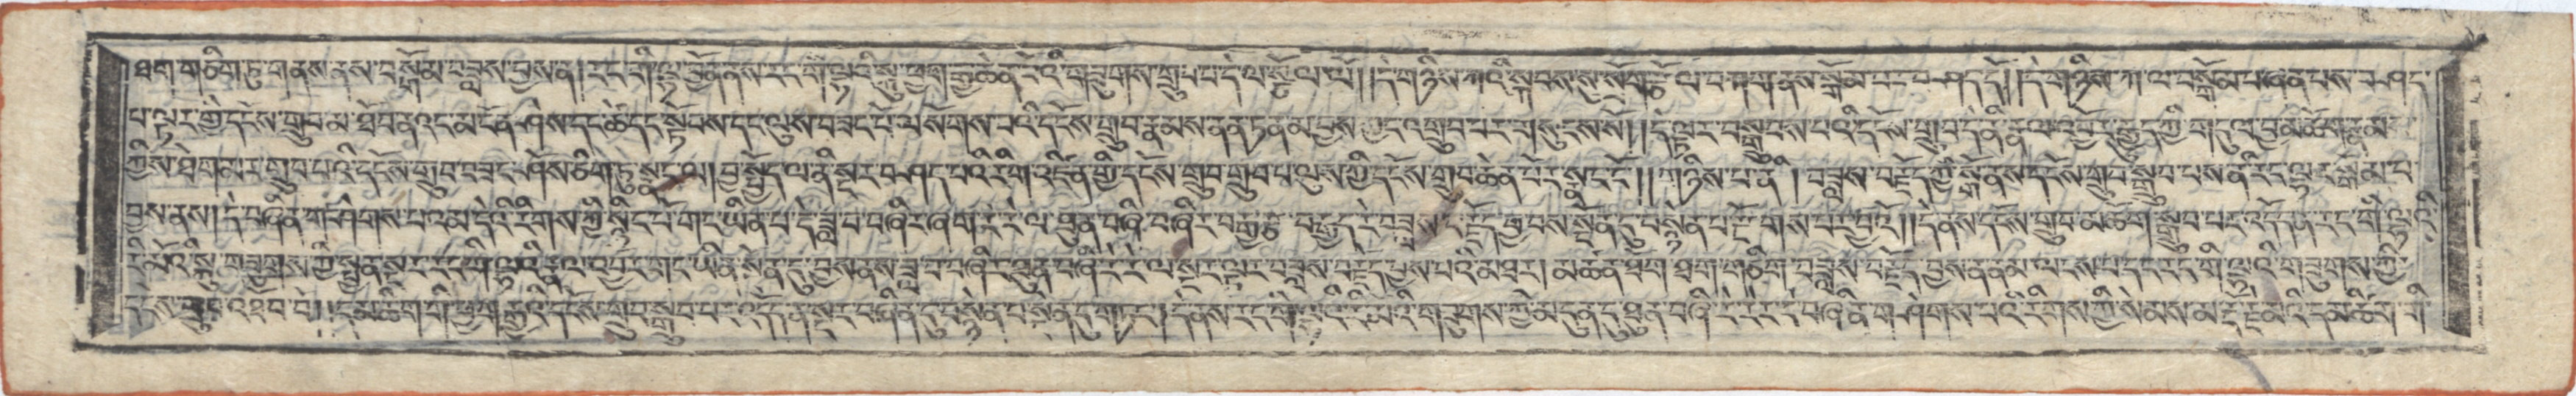ཐག་གཅིག་ཏུ་གནས་ནས་བསྒོམ་བཟླས་བྱས་ན། རང་གི་ལྷ་བྱོན་ནས་རང་གི་ལྷའི་སྐུ་ཕྱག་རྒྱ་ཆེན་པོའི་གཟུགས་གྲུབ་པ་དེ་ལ་སྩོལ་ལོ། །དེ་གཉིས་ཀའི་སྐབས་སུ་སྲོག་རྩོལ་བཀག་ནས་སྒོམ་པར་བཤད་དོ། །དེ་གཉིས་ཀ་ལ་བསྒོམ་པ་ཞན་པས་བཤད་
པ་ལྟར་གྱི་དངོས་གྲུབ་མ་ཐོབ་ནའང་མངོན་ཤེས་དང་ཚེ་དང་སྟོབས་དང་ལུས་བཟང་པོ་ལ་སོགས་པའི་དངོས་གྲུབ་རྣམས་ནན་ཏན་མ་བྱས་ཀྱང་འགྲུབ་པར་གསུངས་སོ། །དེ་ལྟར་བསྒྲུབས་པའི་དངོས་གྲུབ་དེ་ནི་རྣལ་འབྱོར་རྒྱུད་ཀྱི་གདུལ་བྱ་མཆོག་རྣམས་
ཀྱིས་ཐོག་མར་གྲུབ་པའི་དངོས་གྲུབ་བཟང་ཤོས་ཅིག་ཏུ་སྣང་ལ། བྱ་སྤྱོད་ལ་ནི་སྔར་བཤད་པའི་རིག་འཛིན་གྱི་དངོས་གྲུབ་གྲུབ་པ་ལུས་ཀྱི་དངོས་གྲུབ་ཆེན་པོར་སྣང་ངོ། །གཉིས་པ་ནི། བཟླས་བརྗོད་ཀྱི་སྒོ་ནས་དངོས་གྲུབ་སྒྲུབ་པས་ནི་རང་ལྷར་སྒོམ་པ་
བྱས་ནས། དེ་བཞིན་གཤེགས་པའམ་དེའི་རིགས་ཀྱི་སྙིང་པོ་གང་ཡིན་པ་དེ་ཟླ་བ་བཞིར་ཞག་རེ་རེ་ལ་ཐུན་བཞི་བཞིར་བརྒྱ་རྩ་བརྒྱད་རེ་བཟླས་བརྗོད་བྱ་བས་སྔོན་དུ་བསྙེན་པ་རྫོགས་པར་བྱའོ། །དེ་ནས་དངོས་གྲུབ་མཆོག་སྒྲུབ་པར་འདོད་ན་རང་གི་ལྷའི་
རི་མོའི་སྐུ་གཟུགས་ཀྱི་སྤྱན་སྔར་རང་གི་ལྷའི་རྣལ་འབྱོར་གང་ཡིན་སྔོན་དུ་བྱས་ནས་ཟླ་བ་བཞིར་ཐུན་བཞི་རེ་རེ་ལ་སྔར་ལྟར་བཟླས་བརྗོད་བྱས་པའི་མཐར། མཚན་ཐོག་ཐག་གཅིག་བཟླས་བརྗོད་བྱས་ན་ནམ་ལངས་པ་དང་རང་གི་ལྷའི་གཟུགས་ཀྱི་
དངོས་གྲུབ་འཐོབ་བོ། །དམ་ཚིག་གི་ཕྱག་རྒྱའི་དངོས་གྲུབ་སྒྲུབ་པར་འདོད་ན་སྔར་བཞིན་དུ་བསྙེན་པ་སྔོན་དུ་གཏང་། དེ་ནས་རང་གི་ལྷའི་རི་མོའི་གཟུགས་ཀྱི་མདུན་དུ་ཐུན་བཞི་རེ་རེར་དེ་བཞིན་གཤེགས་པའི་རིགས་ཀྱི་སེམས་མ་རྡོ་རྗེ་མའི་དམ་ཚིག་གི་